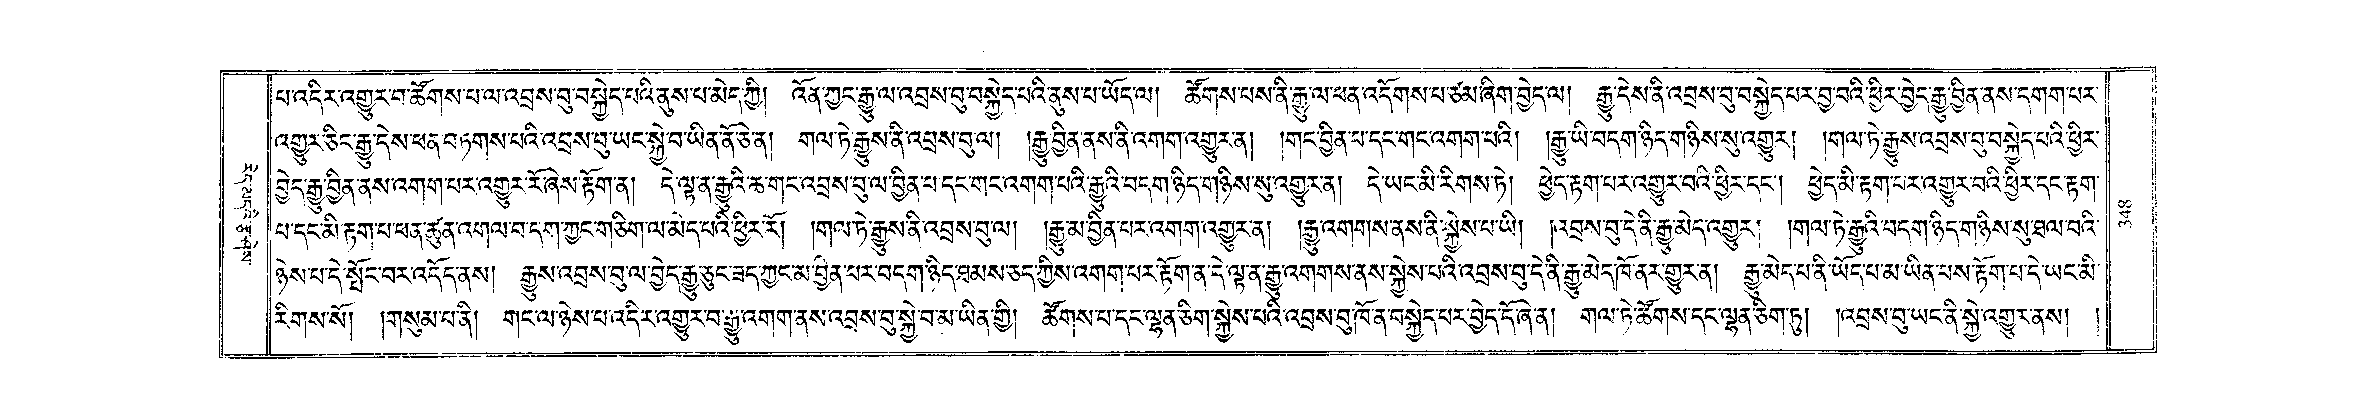པ་འདིར་འགྱུར་བ་ཚོགས་པ་ལ་འབྲས་བུ་བསྐྱེད་པའི་ནུས་པ་མེད་ཀྱི། འོན་ཀྱང་རྒྱུ་ལ་འབྲས་བུ་བསྐྱེད་པའི་ནུས་པ་ཡོད་ལ། ཚོགས་པས་ནི་རྒྱུ་ལ་ཕན་འདོགས་པ་ཙམ་ཞིག་བྱེད་ལ། རྒྱུ་དེས་ནི་འབྲས་བུ་བསྐྱེད་པར་བྱ་བའི་ཕྱིར་བྱེད་རྒྱུ་བྱིན་ནས་དགག་པར་
འགྱུར་ཅིང་རྒྱུ་དེས་ཕན་བཏགས་པའི་འབྲས་བུ་ཡང་སྐྱེ་བ་ཡིན་ནོ་ཅེ་ན། གལ་ཏེ་རྒྱུས་ནི་འབྲས་བུ་ལ། །རྒྱུ་བྱིན་ནས་ནི་འགག་འགྱུར་ན། །གང་བྱིན་པ་དང་གང་འགག་པའི། །རྒྱུ་ཡི་བདག་ཉིད་གཉིས་སུ་འགྱུར། །གལ་ཏེ་རྒྱུས་འབྲས་བུ་བསྐྱེད་པའི་ཕྱིར་
བྱེད་རྒྱུ་བྱིན་ནས་འགག་པར་འགྱུར་རོ་ཞེས་རྟོག་ན། དེ་ལྟ་ན་རྒྱུའི་ཆ་གང་འབྲས་བུ་ལ་བྱིན་པ་དང་གང་འགག་པའི་རྒྱུའི་བདག་ཉིད་གཉིས་སུ་འགྱུར་ན། དེ་ཡང་མི་རིགས་ཏེ། ཕྱེད་རྟག་པར་འགྱུར་བའི་ཕྱིར་དང་། ཕྱེད་མི་རྟག་པར་འགྱུར་བའི་ཕྱིར་དང་རྟག་
པ་དང་མི་རྟག་པ་ཕན་ཚུན་འགལ་བ་དག་ཀྱང་གཅིག་ལ་མེད་པའི་ཕྱིར་རོ། །གལ་ཏེ་རྒྱུས་ནི་འབྲས་བུ་ལ། །རྒྱུ་མ་བྱིན་པར་འགག་འགྱུར་ན། །རྒྱུ་འགགས་ནས་ནི་སྐྱེས་པ་ཡི། །འབྲས་བུ་དེ་ནི་རྒྱུ་མེད་འགྱུར། །གལ་ཏེ་རྒྱུའི་བདག་ཉིད་གཉིས་སུ་ཐལ་བའི་
ཉེས་པ་དེ་སྤོང་བར་འདོད་ནས། རྒྱུས་འབྲས་བུ་ལ་བྱེད་རྒྱུ་ཅུང་ཟད་ཀྱང་མ་བྱིན་པར་བདག་ཉིད་ཐམས་ཅད་ཀྱིས་འགག་པར་རྟོག་ན་དེ་ལྟ་ན་རྒྱུ་འགགས་ནས་སྐྱེས་པའི་འབྲས་བུ་དེ་ནི་རྒྱུ་མེད་ཁོ་ནར་གྱུར་ན། རྒྱུ་མེད་པ་ནི་ཡོད་པ་མ་ཡིན་པས་རྟོག་པ་དེ་ཡང་མི་
རིགས་སོ། །གསུམ་པ་ནི། གང་ལ་ཉེས་པ་འདིར་འགྱུར་བ་རྒྱུ་འགག་ནས་འབྲས་བུ་སྐྱེ་བ་མ་ཡིན་གྱི། ཚོགས་པ་དང་ལྷན་ཅིག་སྐྱེས་པའི་འབྲས་བུ་ཁོ་ན་བསྐྱེད་པར་བྱེད་དོ་ཞེ་ན། གལ་ཏེ་ཚོགས་དང་ལྷན་ཅིག་ཏུ། །འབྲས་བུ་ཡང་ནི་སྐྱེ་འགྱུར་ནས། །